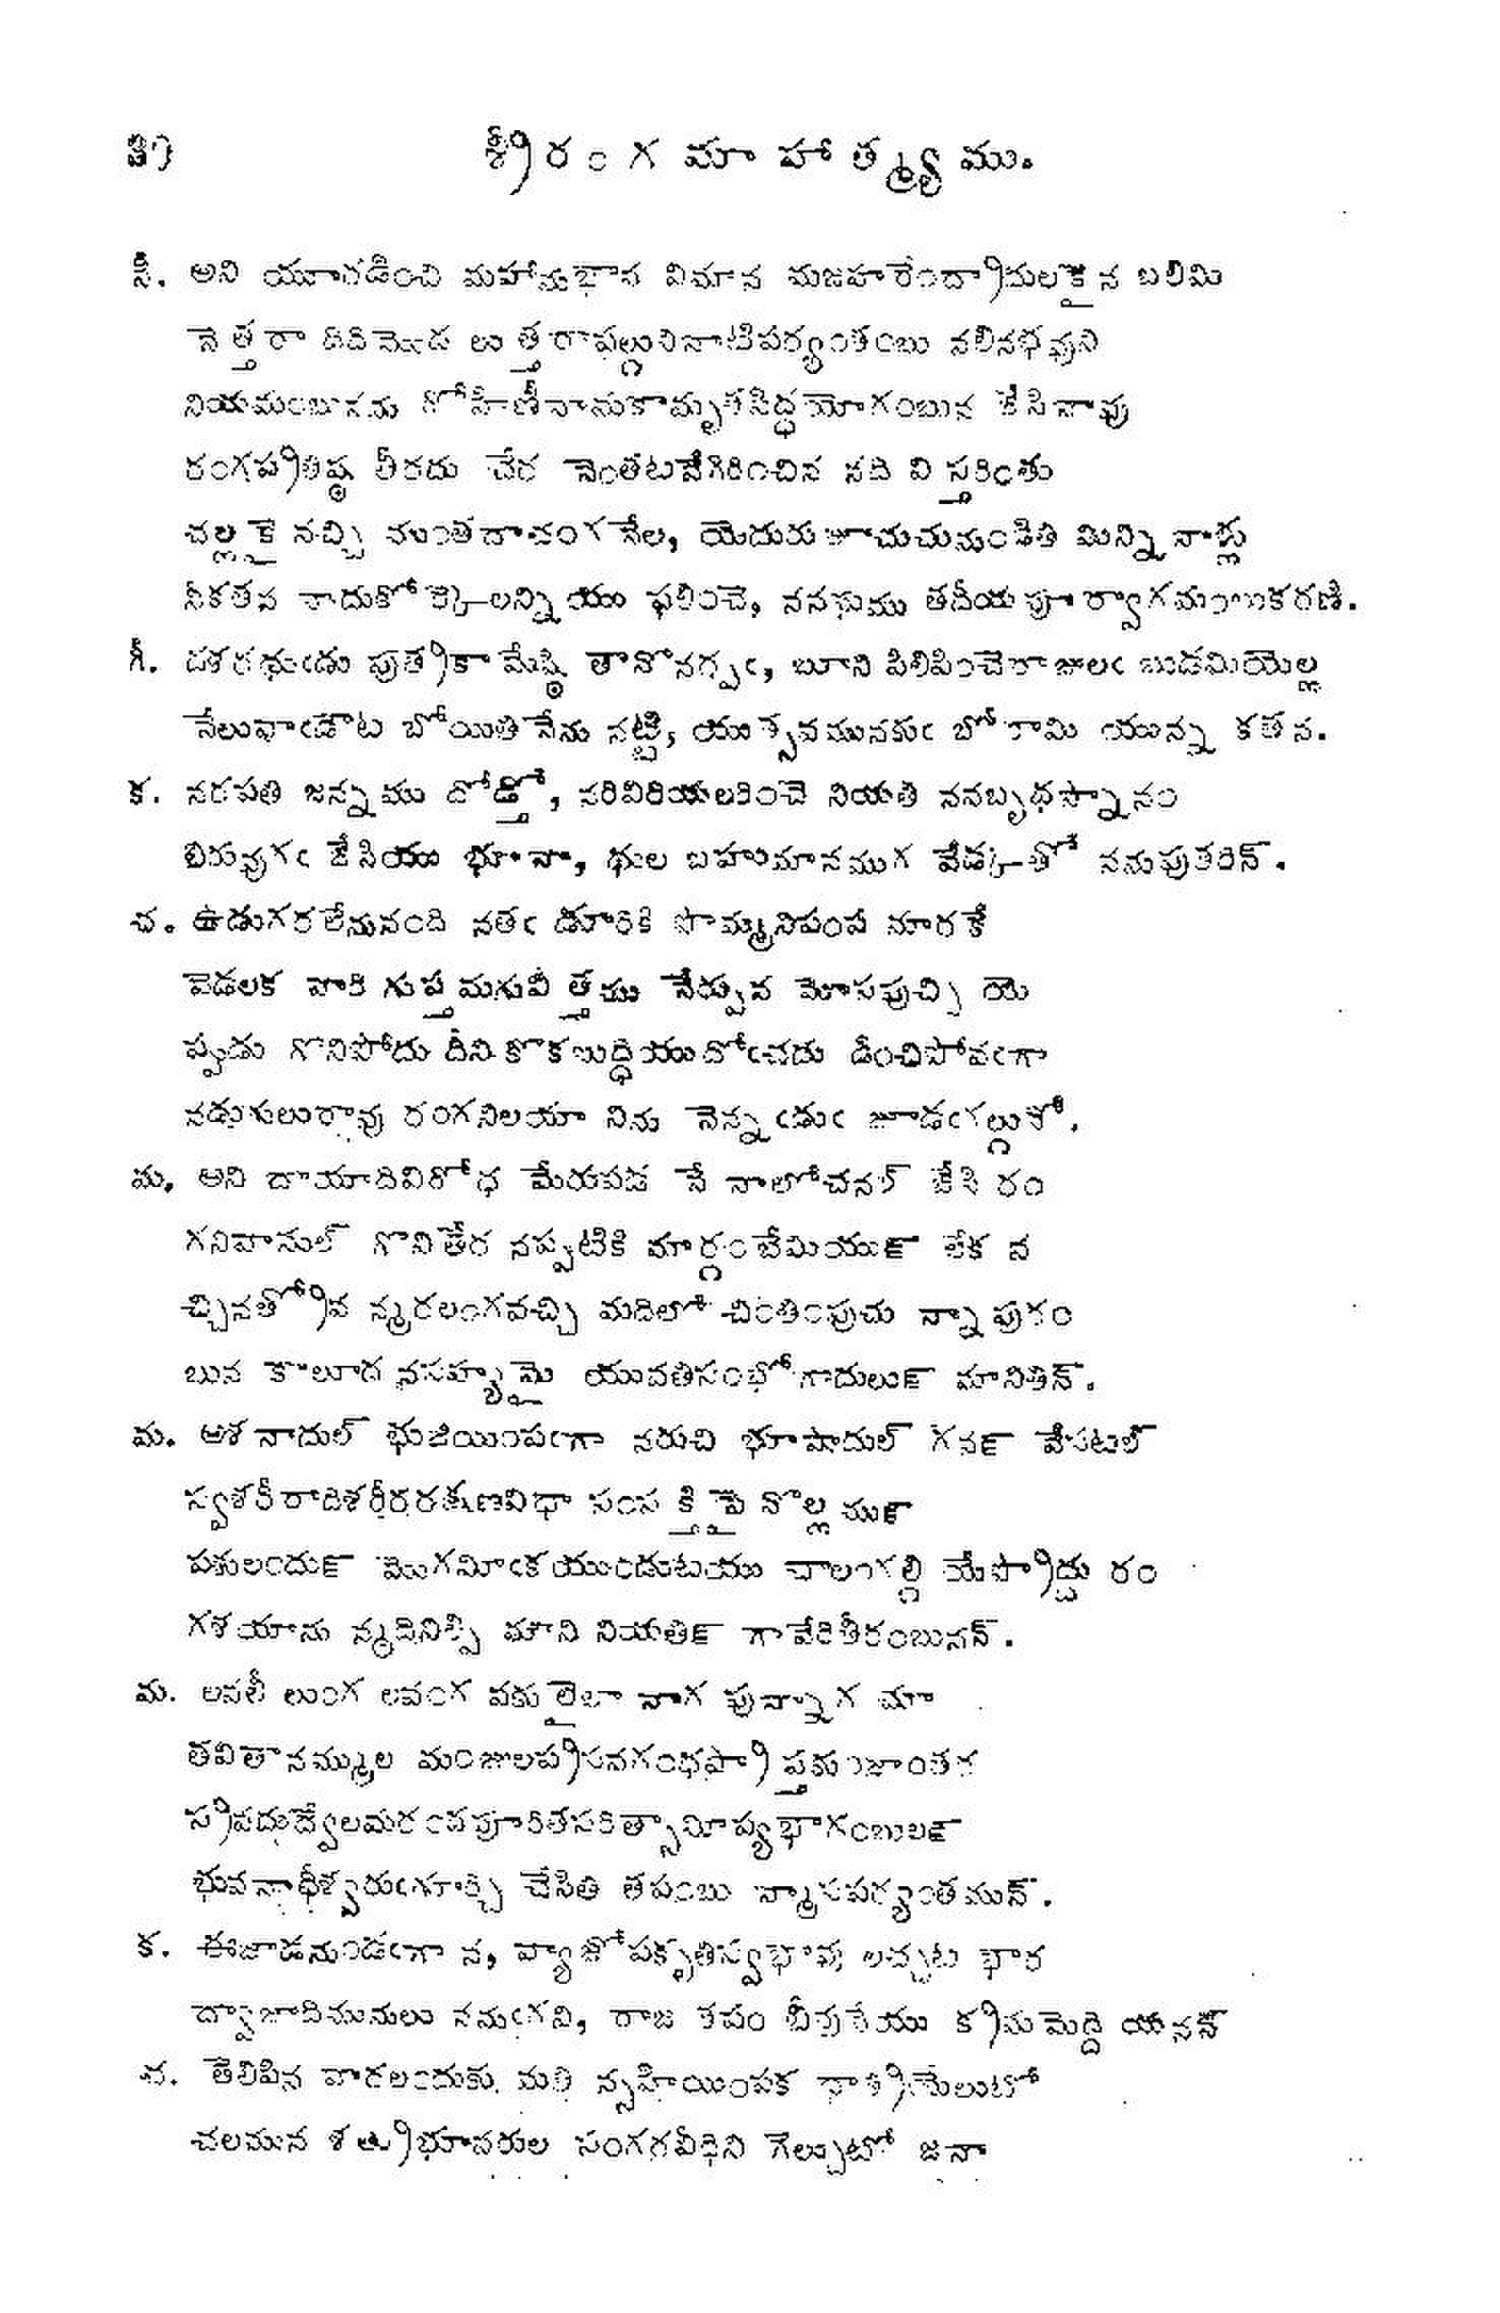సీ. అని యూరడించి మహానుభావ విమాన మజహరేంద్రాదులకైన బలిమి
 నెత్తరా దిదిమొద లుత్తరాఫల్గునినాటిపర్యంతంబు నలినభవుని
 నియమంబును రోహిణీనామకామృతసిద్ధయోగంబున జేసినావు
 రంగప్రతిష్ఠ తీరదు చేర నంతటవేగిరించిన నది విస్తరింతు
 చల్లకై వచ్చి ముంత దాచంగనేల, యెదురుజూచుచునుండితి మిన్నినాళ్లు
 నీకతన నాదుకోర్కెలన్నియు ఫలించె, ననఘము తదీయపూర్వాగమంబుకరణి.
గీ. దశరథుఁడు పుత్రకామేష్ఠి తానొనర్పఁ, బూని పిలిపించె రాజులఁ బుడమియెల్ల
 నేలువాఁడౌట బోయిన నేను నట్టి, యుత్సవమునకుఁ బోరామి యున్న కతన.
క. నరపతి జన్నము దోడ్తో, నరివిరియలకించె నియతి ననబృధస్నానం
 బిరువుగఁ జేసియు భూనా, థుల బహుమానముగ వేడ్కతో ననుపుతరిన్.
చ. ఉడుగరలేను నంది నతఁ డూరికి పొమ్మనిపంప నూరకే
 వెడలక వారి గుప్తమగువిత్తము నేర్పున మోసపుచ్చి యె
 ప్పుడు గొనిపోదు దీని కొకబుద్ధియుఁ దోఁచదు డించిపోవఁగా
 నడుగులురావు రంగనిలయా నిను నెన్నఁడుఁ జూడఁగల్గునో.
మ. అని దాయాదివిరోధ మేరుపడ నే నాలోచనల్ జేసి రం
 గనివాసుల్ గొనితేర నప్పటికి మార్గం బేమియున్ లేక న
 చ్చినత్రోవ న్మరలంగవచ్చి మదిలో చింతింపుచు న్నాపురం
 బున కాలూద నసహ్యమై యువతీసంభోగాదులున్ మానితిన్.
మ. అశనాదుల్ భుజియింపఁగా నరుచి భూషాదుల్ గనన్ వేపటల్
 స్వశరీరాదిశరీరరక్షణవిధానసంసక్తిపై నొల్లమున్
 పశులందున్ మొగమీఁక యుండుటయు చాలంగల్గి యేప్రొద్దు రం
 గశయాను న్మదినిల్పి మౌని నియతిన్ గావేరితీరంబునన్.
మ. లవలీ లుంగ లవంగ వకులైలా నాగ పున్నాగ చూ
 తవితానమ్ముల మంజులప్రసవగంధప్రాపకుంజాంతర
 స్రవదుద్వేలమరందపూరితసరిత్సాహవ్యభాగంబులన్
 భువనాధీశ్వరుఁగూర్చి చేసితి తపంబు న్మాసపర్యంతమున్.
క. ఈజాడనుండఁగా న, వ్యాజోపకృతిస్వభావు లచ్చట భార
 ద్వాజాదిమునులు ననుఁగని, రాజ తపం బీవుసేయు క్రమ మెద్ది యనన్
చ. తెలిపిన వారలందుకు మతి న్సహియింపక ధాత్రి యేలుటో
 చలమున శత్రుభూవరుల సంగరవీథిని గెల్చుటో జనా